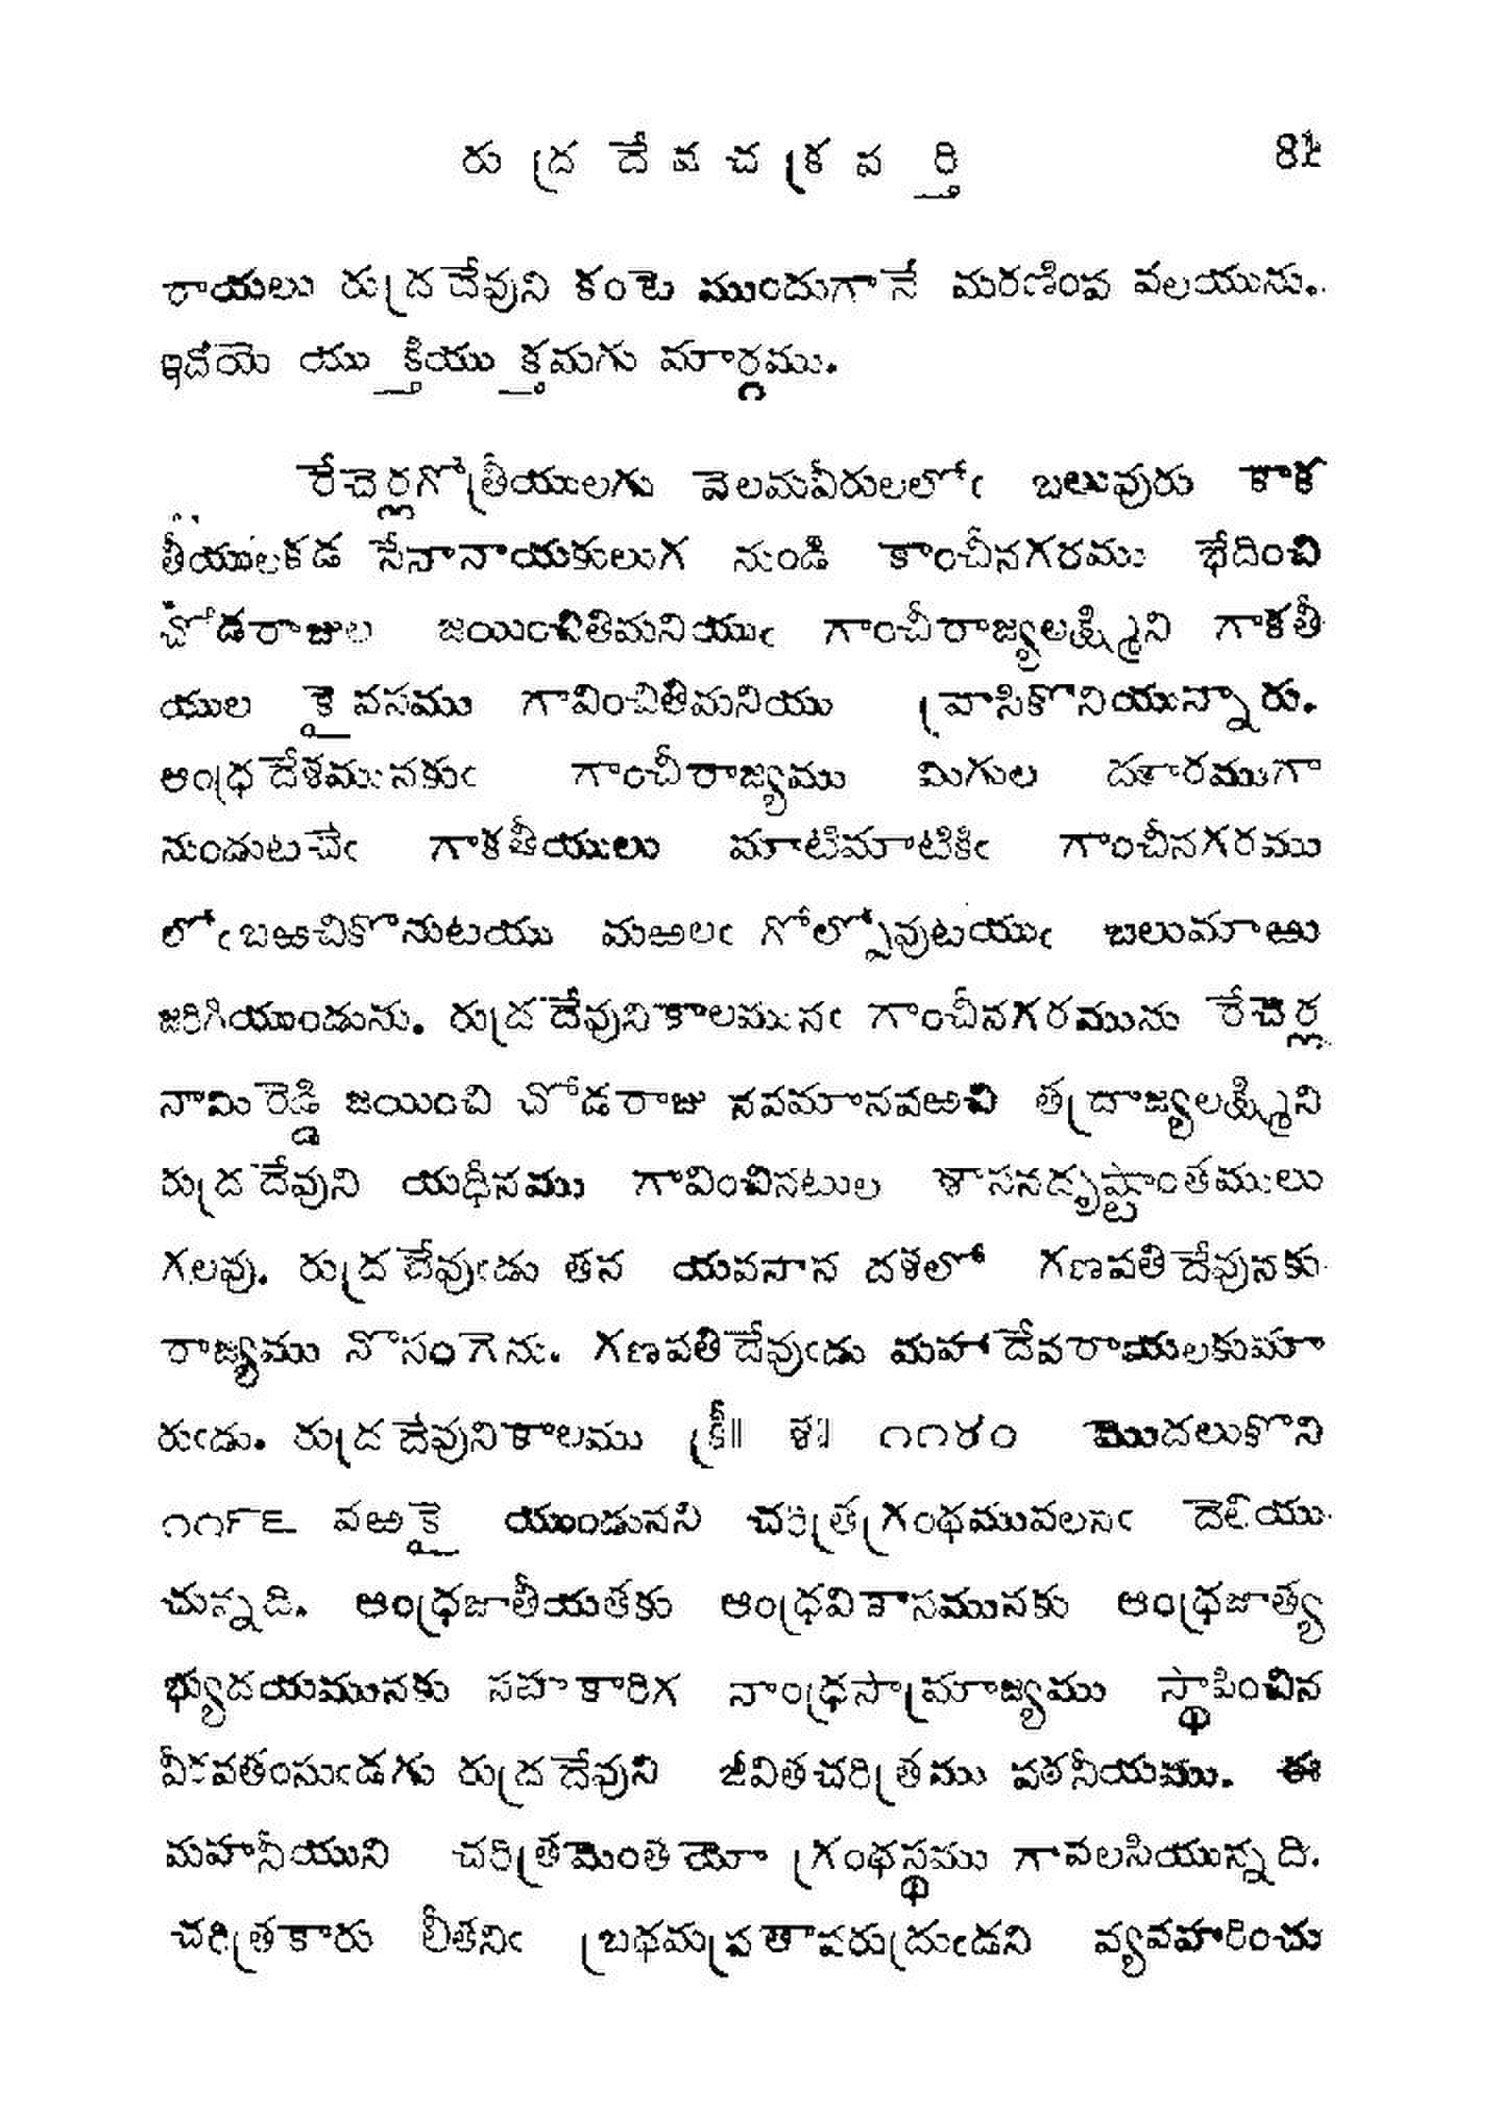రాయలు రుద్రదేవుని కంటె ముందుగానే మరణింప వలయును. ఇదియె యుక్తియుక్తమగు మార్గము.

రేచెర్లగోత్రీయులగు వెలమవీరులలో బలువురు కాకతీయులకడ సేనానాయకులుగ నుండి కాంచీనగరము భేదించి చోడరాజుల జయించితిమనియు గాంచీరాజ్యలక్ష్మిని గాకతీయుల కైవసము గావించితిమనియు వ్రాసికొనియున్నారు. ఆంధ్రదేశమునకు గాంచీరాజ్యము మిగుల దూరముగా నుండుటచే గాకతీయులు మాటిమాటికి గాంచీనగరములో బఱచికొనుటయు మఱల గొల్పోవుటయు బలుమాఱు జరిగియుండును. రుద్రదేవుని కాలమున గాంచీనగరమును రేచెర్ల నామిరెడ్డి జయించి చోడరాజు నవమానపఱచి తద్రాజ్యలక్ష్మిని రుద్రదేవుని యధీనము గావించినటుల శాసనదృష్టాంతములు గలవు. రుద్రదేవుడు తన యవసాన దశలో గణపతిదేవునకు రాజ్యము నొసంగెను. గణపతిదేవుడు మహాదేవరాయలకుమారుడు. రుద్రదేవునికాలము క్రీ.శ. 1140 మొదలుకొని 1196 వఱకై యుండునని చరిత్రగ్రంథమువలన దెలియుచున్నది. ఆంధ్రజాతీయతకు ఆంధ్రవికాసమునకు ఆంధ్రజాత్య భ్యుదయమునకు సహకారిగ నాంధ్రసామ్రాజ్యము స్థాపించిన వీరవతంసుడగు రుద్రదేవుని జీవితచరిత్రము పఠనీయము. ఈ మహనీయుని చరిత్రమెంతయో గ్రంథస్థము గావలసియున్నది చరిత్రకారు లీతని బ్రథమప్రతాపరుద్రుడని వ్యవహరించు